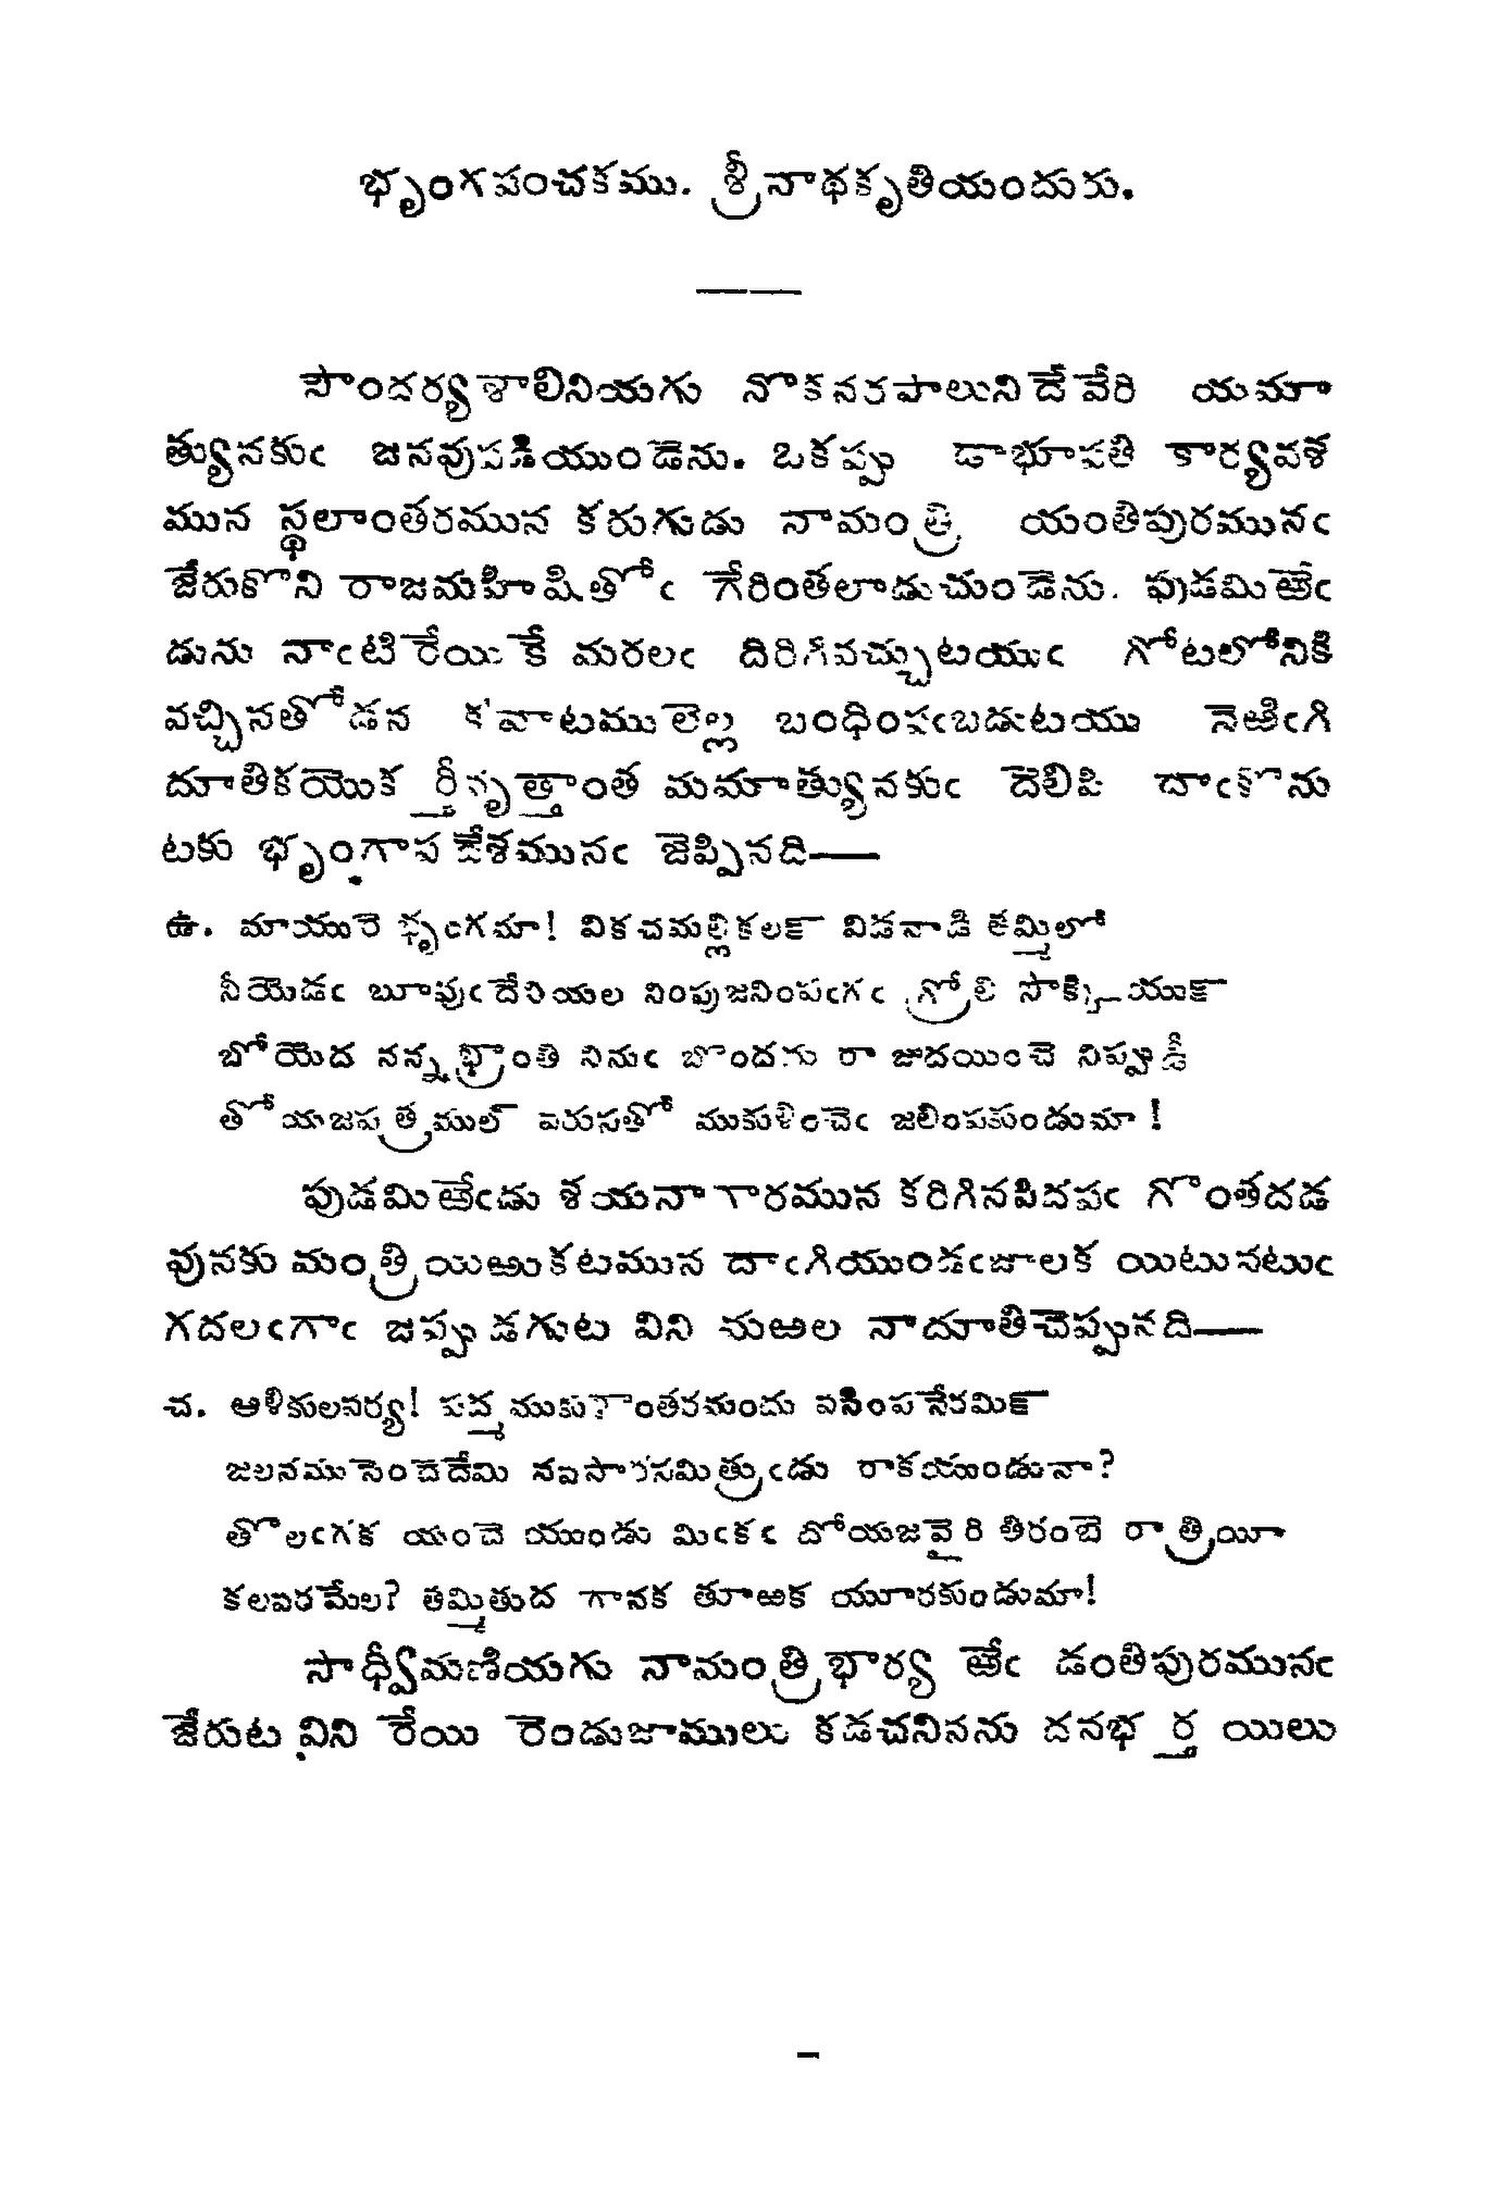సౌందర్యశాలినియగు నొకనరపాలునిదేవేరి యమాత్యునకుఁ జనవుపడియుండెను. ఒకప్పు డాభూపతి కార్యవశమున స్థలాంతరమున కరుగుడు నామంత్రి యంతిపురమునఁ జేరుకొని రాజమహిషితోఁ గేరింతలాడుచుండెను. పుడమిఱేఁడును నాఁటిరేయికే మరలఁ దిరిగివచ్చుటయుఁ గోటలోనికి వచ్చినతోడన కవాటములెల్ల బంధింపఁబడుటయు నెఱిఁగి దూతికయొక ర్తీవృత్తాంత మమాత్యునకుఁ దెలిపి దాఁకొనుటకు భృంగాపదేశమునఁ జెప్పినది—
ఉ. మాయురె భృంగమా! వికచమల్లికలన్ విడనాడి తమ్మిలో
 నీయెడఁ బూవుఁదేనియల నింపు జనింపఁగఁ గ్రోలి సొక్కియున్
 బోయెద నన్నభ్రాంతి నినుఁ బొందదు రా జుదయించె నిప్పు డీ
 తోయజపత్రముల్ వరుసతే ముకుళించెఁ జలింపకుండుమా!
పుడమిఱేఁడు శయనాగారమున కరిగినపిదపఁ గొంతదడవునకు మంత్రి యిఱుకటమున దాఁగియుండఁజాలక యిటునటుఁ గదలఁగాఁ జప్పుడగుట విని మఱల నాదూతి చెప్పునది—
చ. అళికులవర్య! పద్మముకుళాంతరమందు వసింపనేరమిన్
 జలనము సెందెదేమి నవసారసమిత్రుఁడు రాకయుండునా?
 తొలఁగక యందె యుండు మిఁకఁ దోయజవైరి తిరంబె రాత్రి యీ
 కలవర మేల? తమ్మి తుద గానక తూఱక యూరకుండుమా!
సాధ్వీమణి యగు నామంత్రిభార్య ఱేఁ డంతిపురమునఁ జేరుటవిని రేయి రెండుజాములు కటచనినను దనభర్త యిలు